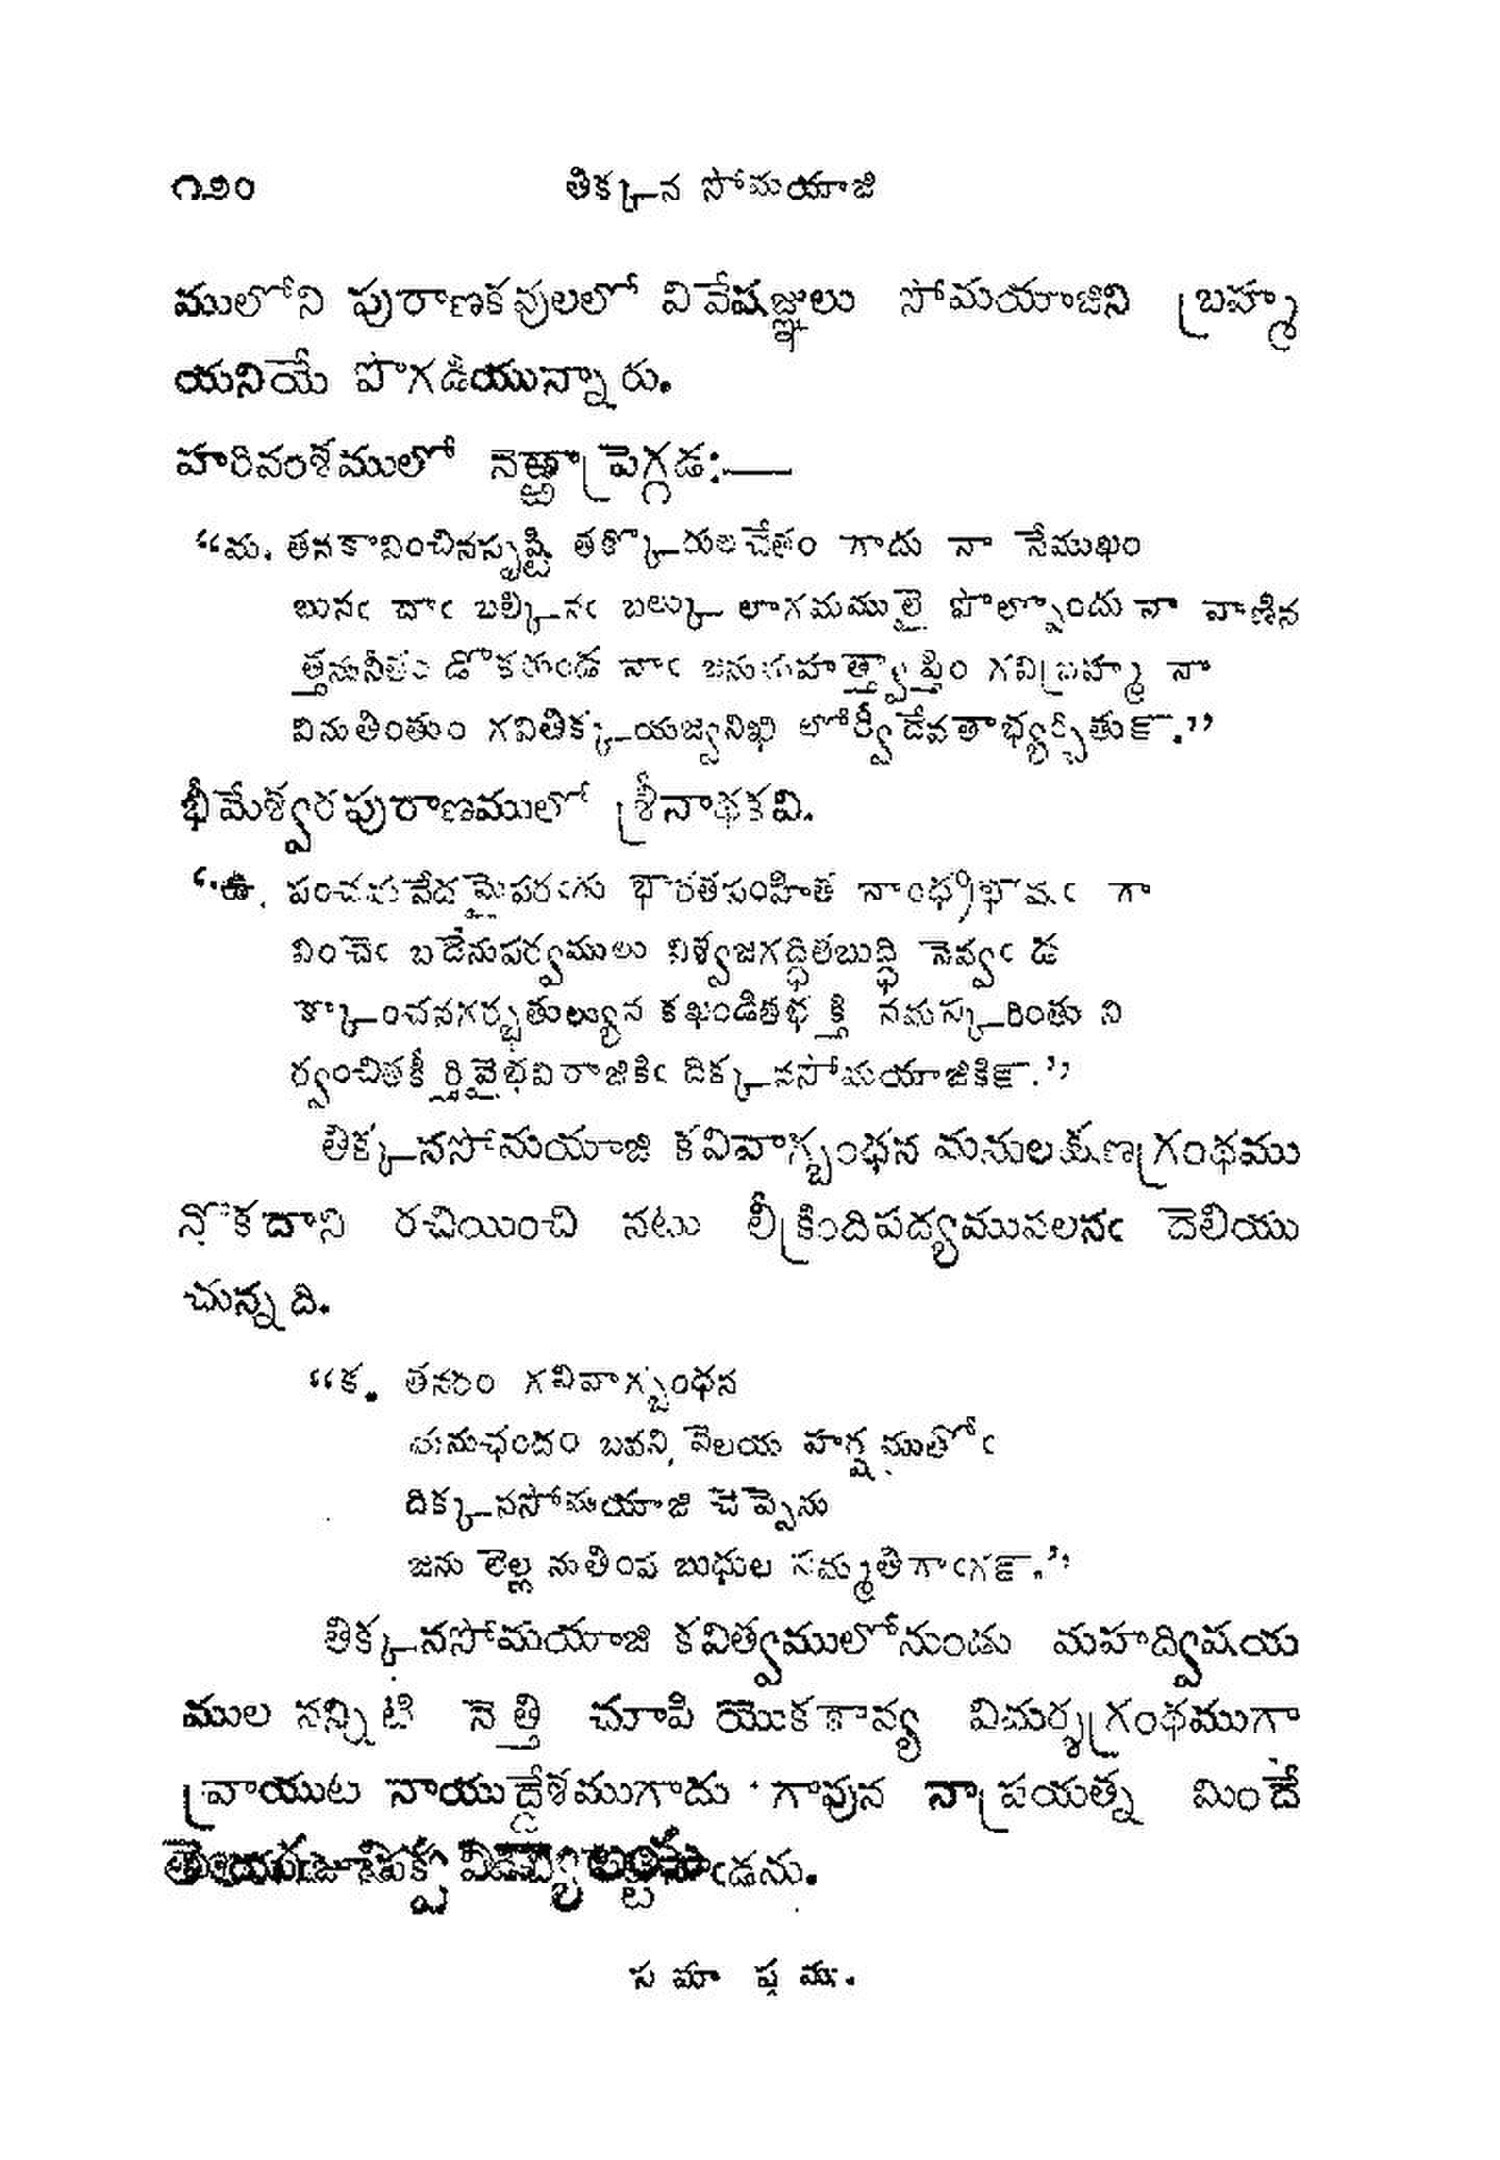ములోని పురాణకవులలో వివేషజ్ఞులు సోమయాజిని బ్రహ్మ యనియే పొగడియున్నారు. 

హరివంశములో నెఱ్ఱాప్రెగ్గడ:-

"మ. తనకావించినసృష్టి, తక్కొరులచేతం గాదు నా నేముఖం 
 బునఁ దాఁ బల్కినఁ బల్కు లాగమములై పొల్పొందు నా వాణిన 
 త్తనునీతం డొకరుండ నాఁ జనుమహత్త్వాప్తిం గవిబ్రహ్మ నా
 వినుతింతుం గవితిక్కయజ్వనిఖి లోర్వీదేవతాభ్యర్చితు౯.” 

భీమేశ్వరపురాణములో శ్రీనాథకవి. 

"ఉ. పంచమవేదమైపరఁగు భారతసంహిత నాంధ్రభాషఁ గా
 వించెఁ బదేనుపర్వములు విశ్వజగద్దితబుద్ది నెవ్వఁ డ 
 క్కాంచనగర్బతుల్యున కఖండితభక్తి నమస్కరింతు ని 
 ర్వంచితకీర్తివైభవిరాజికిఁ దిక్కనసోమయాజికి౯."
తిక్కనసోమయాజి కవివాగ్బంధన మనులక్షణగ్రంథము నొకదాని రచియించి నటు లీక్రింది పద్యమువలనఁ దెలియుచున్నది. 

"క. తనరం గవివాగ్బంధన
 మనుఛందం బవని, వెలయ హర్షముతోఁ 
 దిక్కనసోమయాజి చెప్పెను 
 జను లెల్ల నుతింప బుధుల సమ్మతిగాఁగ౯." 
తిక్కనసోమయాజి కవిత్వములోనుండు మహద్విషయముల నన్నిటి నెత్తి చూపి యొకకావ్య విమర్శగ్రంథముగా వ్రాయుట నాయుద్దేశముగాదు గావున నాప్రయత్న మిందే తెలియజూపక విడిచిపెట్టినాఁడను.

సమాప్తము